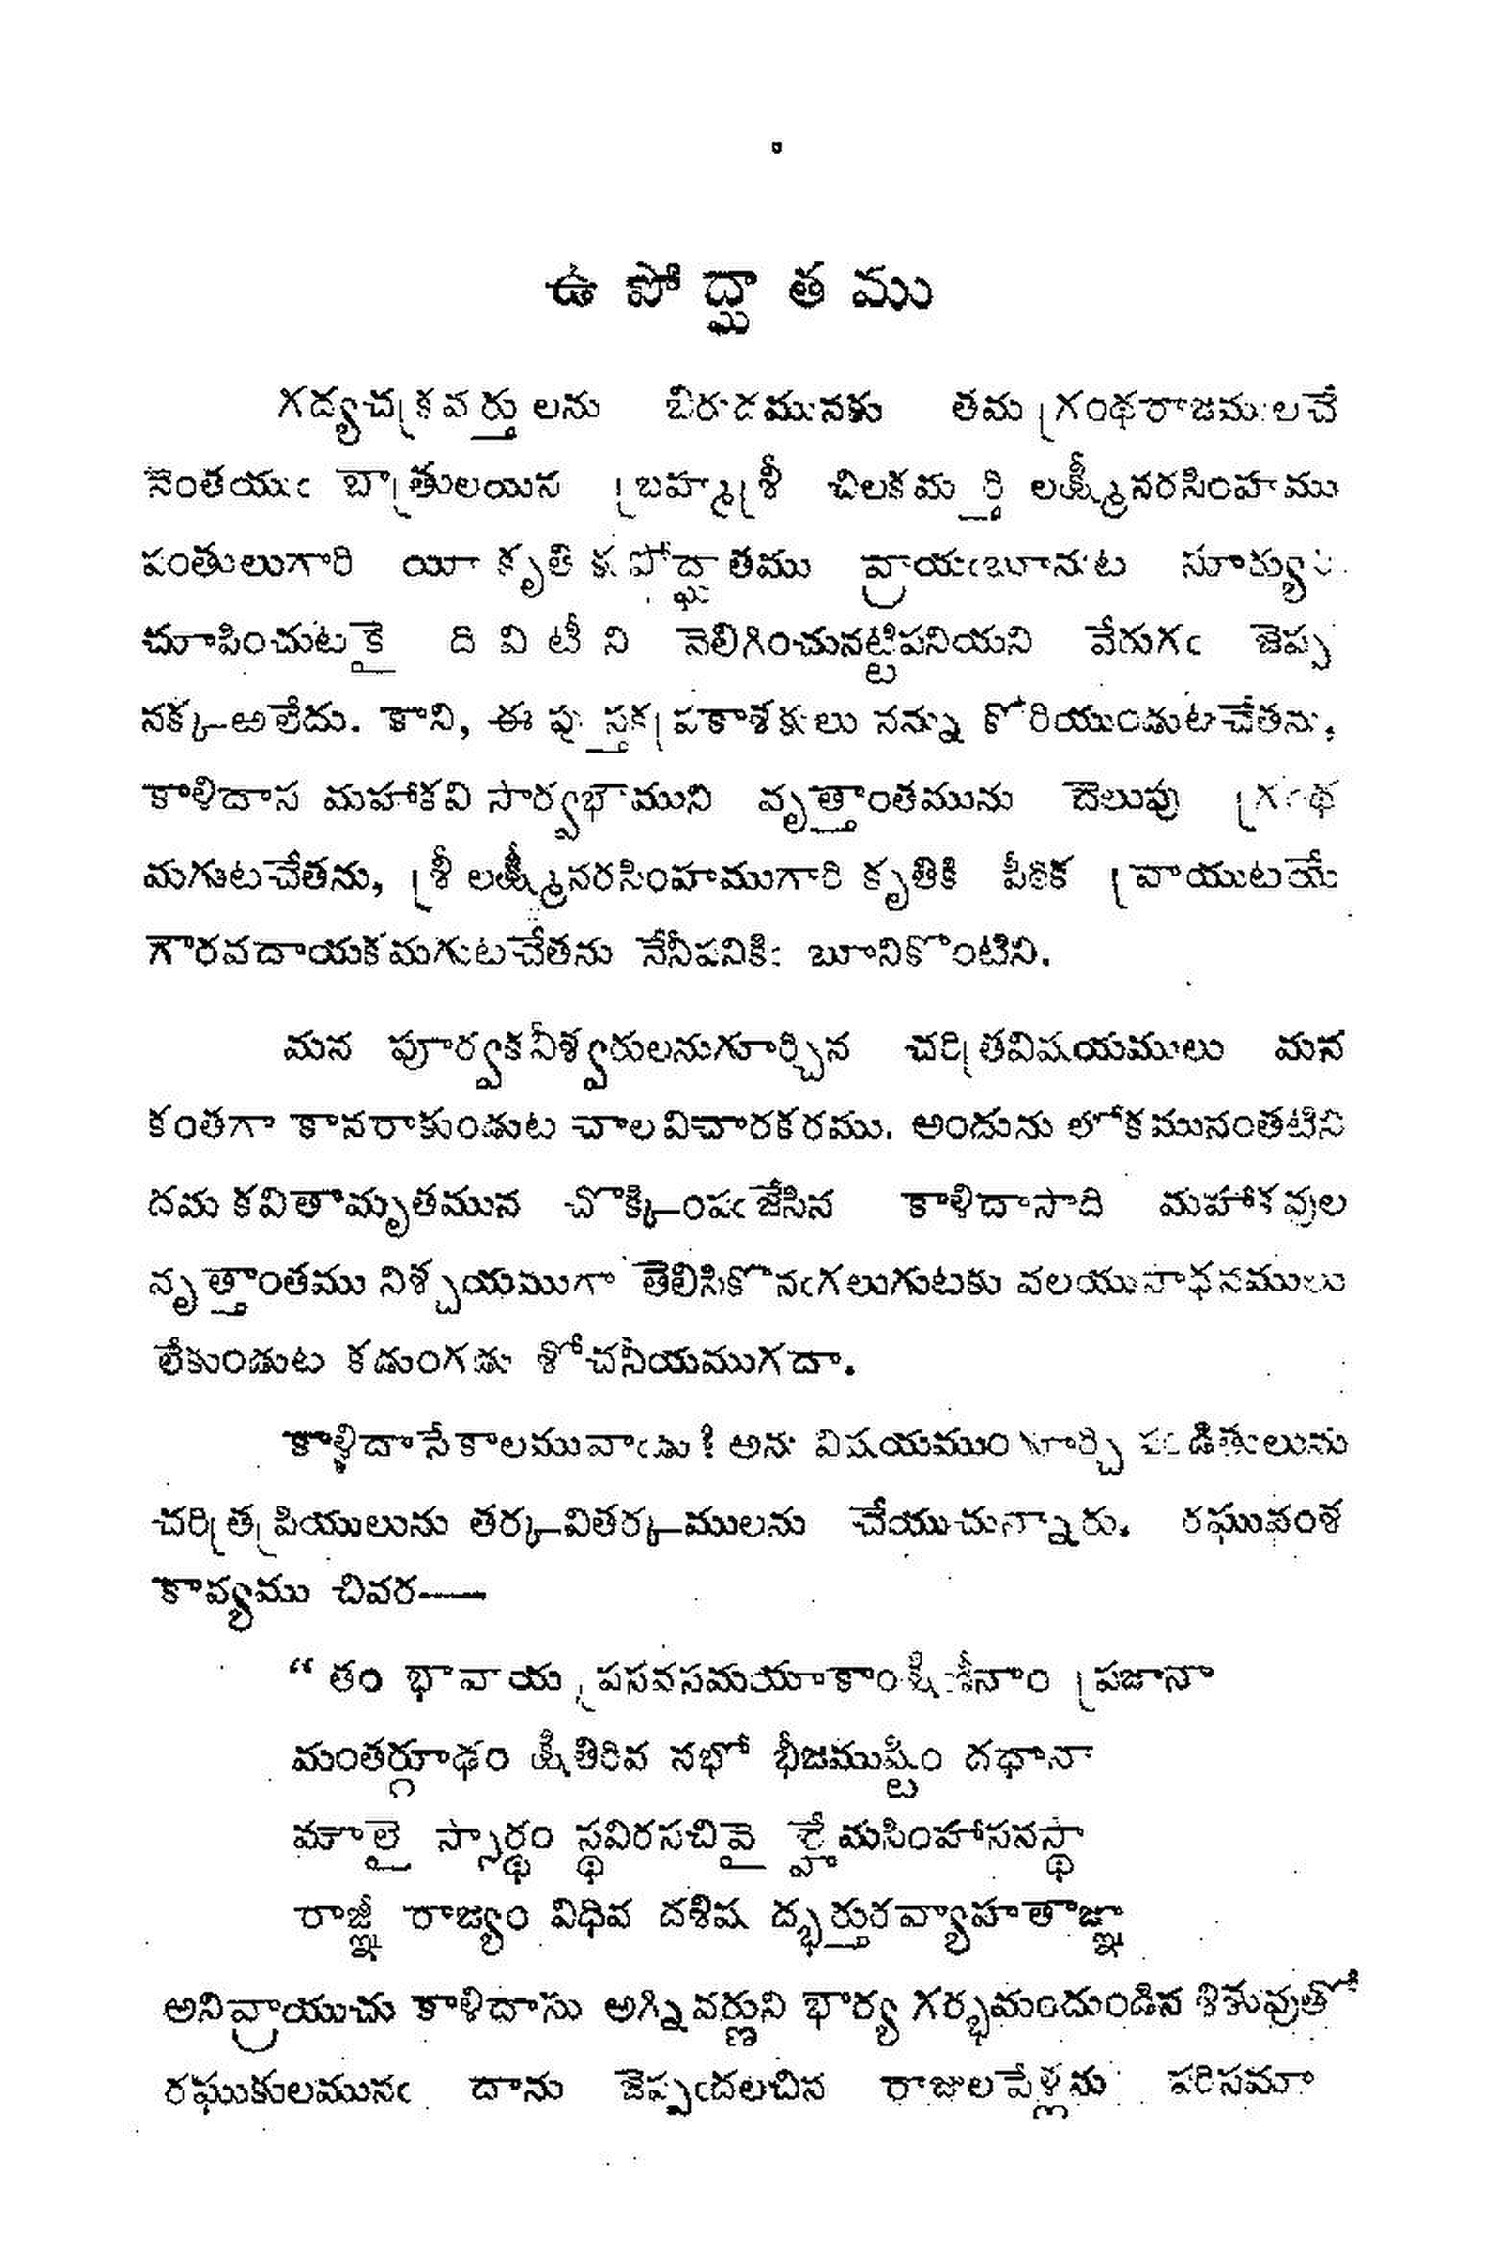ఉపోద్ఘాతము

గద్యచక్రవర్తులను బిరుదమునకు తమ గ్రంథరాజములచే నెంతయుఁ బాత్రులయిన బ్రహ్మశ్రీ చిలకమర్తి లక్ష్మీనరసింహము పంతులుగారి యీకృతికుపోద్ఘాతము వ్రాయఁబూనుట సూర్యునిచూపించుటకై దివీటీని వెలిగించునట్టిపనియని వేరుగఁ జెప్ప నక్కఱలేదు. కాని, ఈ పుస్తకప్రకాశకులు నన్ను కోరియుండుటచేతను, కాళిదాస మహాకవి సార్వభౌముని వృత్తాంతమును దెలుపు గ్రంథ మగుటచేతను, శ్రీ లక్ష్మీనరసింహముగారి కృతికి పీఠిక వ్రాయుటయే గౌరవదాయకమగుటచేతను నేనీపనికిఁ బూనికొంటిని.

మన పూర్వకవీశ్వరులనుగూర్చిన చరిత్రవిషయములు మన కంతగా కానరాకుండుట చాలవిచారకరము. అందును లోకమునంతటినీ దమ కవితామృతమున చొక్కింపఁజేసిన కాళిదాసాది మహాకవుల వృత్తాంతము నిశ్చయముగా తెలిసికొనఁగలుగుటకు వలయు సాధనములు లేకుండుట కడుంగడు శోచనీయముగదా. 

కాళిదాసేకాలమువాఁడు ? అను విషయముగూర్చి పండితులును చరిత్రప్రియులును తర్కవితర్కములను చేయుచున్నారు. రఘువంశ కావ్యము చివర -

అనివ్రాయుచు కాళిదాసు అగ్నివర్ణుని భార్య గర్భమందుండిన శిశువుతో రఘుకులమునఁ దాను జెప్పఁదలచిన రాజులపేళ్లను పరిసమా